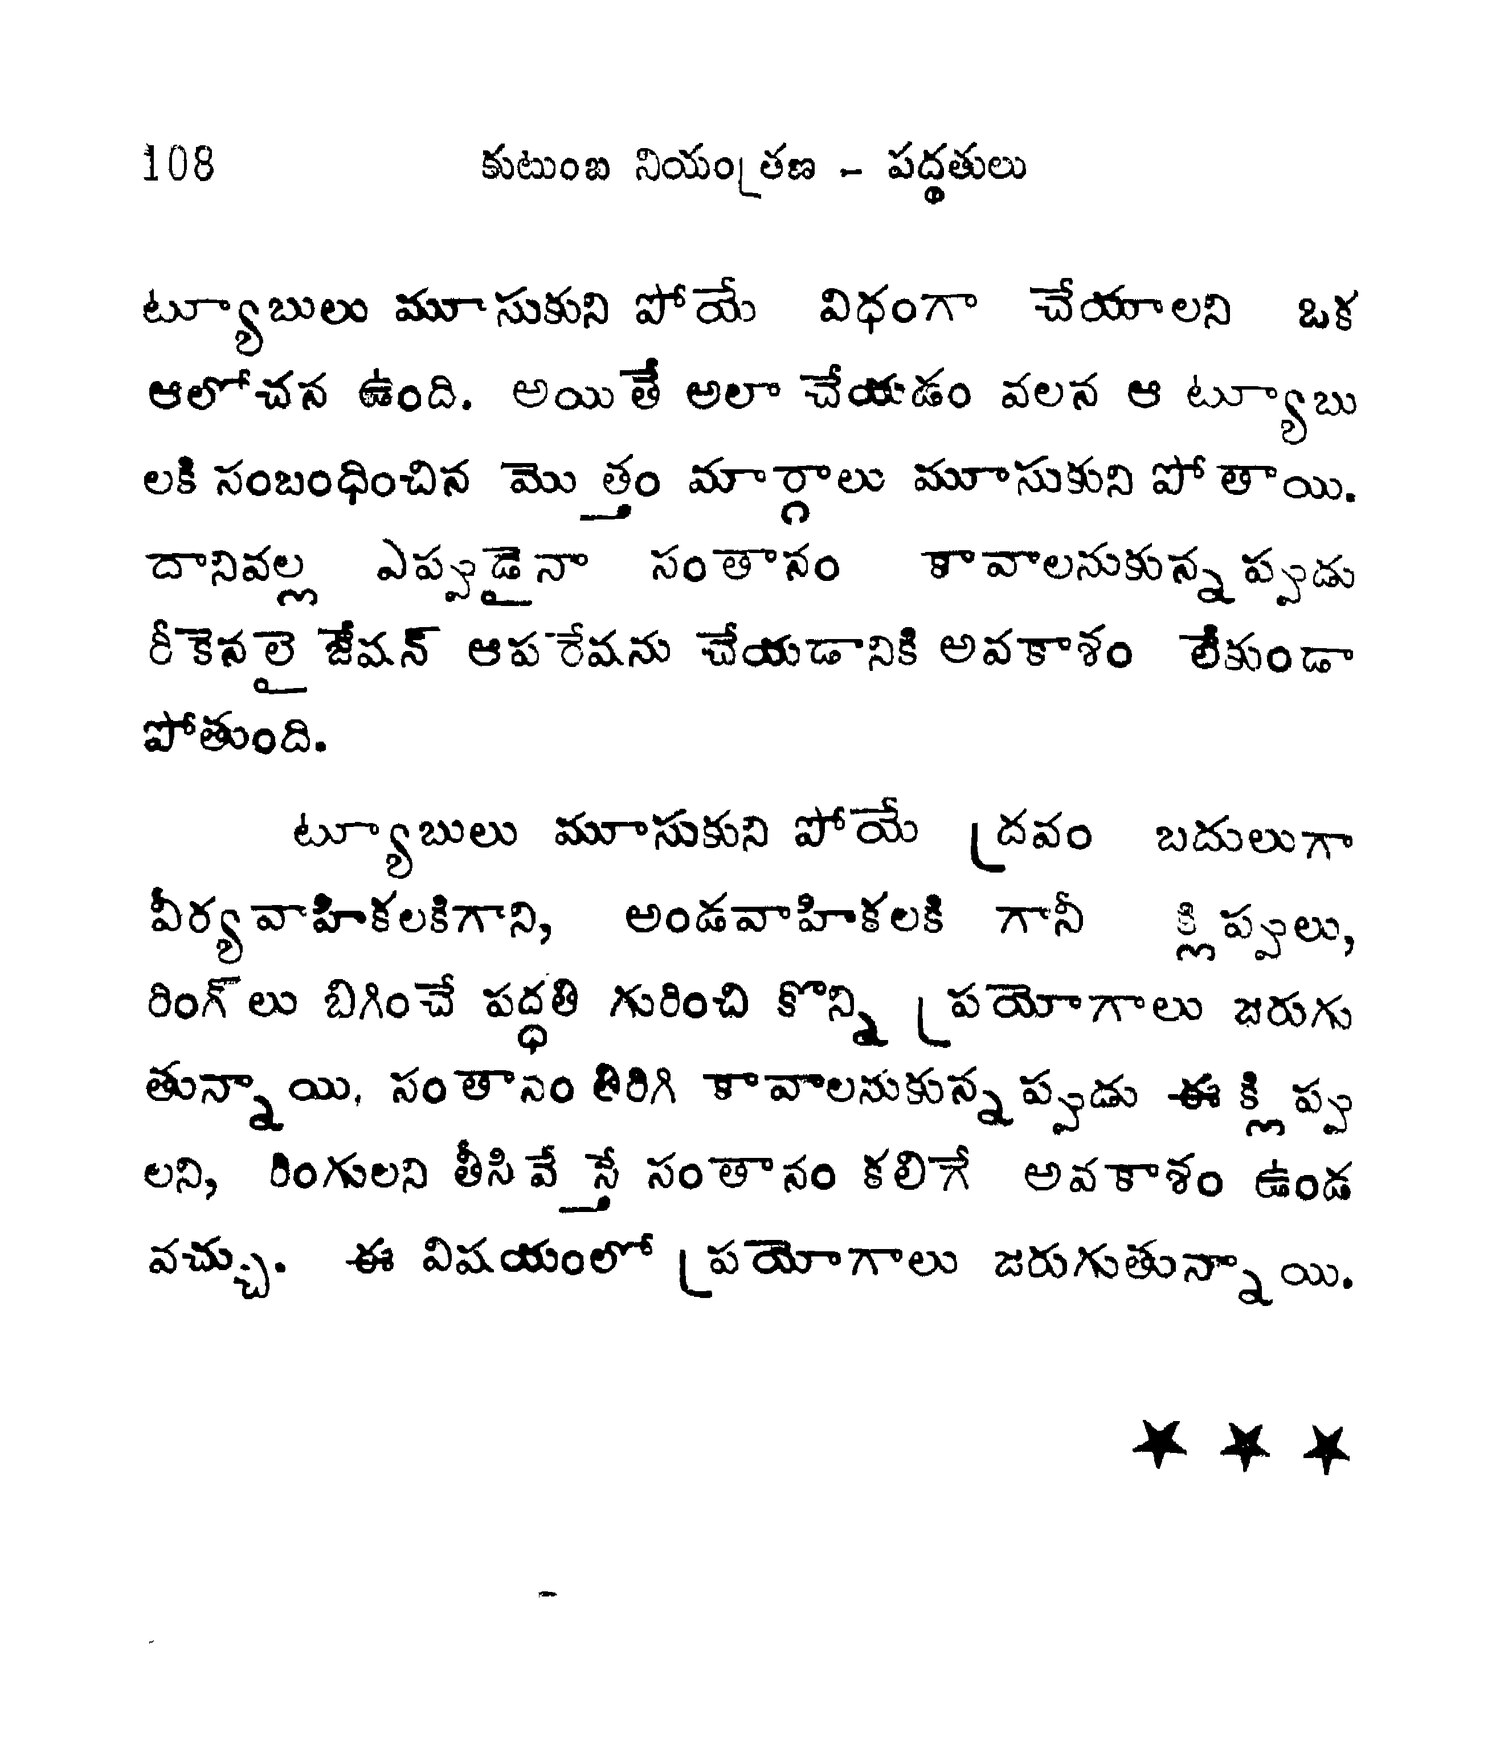ట్యూబులు మూసుకుని పోయే విధంగా చేయాలని ఒక ఆలోచన ఉంది. అయితే అలా చేయడం వలన ఆ ట్యూబులకి సంబందించిన మొత్తం మార్గాలు మూసుకుని పోతాయి. దానివల్ల ఎప్పుడైనా సంతానం కావాలనుకున్నప్పుడు రీకెనలైజేషన్ ఆపరేషను చేయడానికి అవకాశం లేకుండా పోతుంది.

ట్యూబులు మూసుకుని పోయే ద్రవం బదులుగా వీర్యవాహికలకిగాని, అండవాహికిలకి గానీ క్లిప్పులు, రింగ్‌లు బిగించే పద్ధతి గురించి కొన్ని ప్రయోగాలు జరుగుతున్నాయి. సంతానం తిరిగి కావాలనుకున్నప్పుడు ఈక్లిప్పులని, రింగులని తీసివేస్తే సంతానం కలిగే అవకాశం ఉండవచ్చు. ఈ విషయంలో ప్రయోగాలు జరుగుతున్నాయి.

* * *